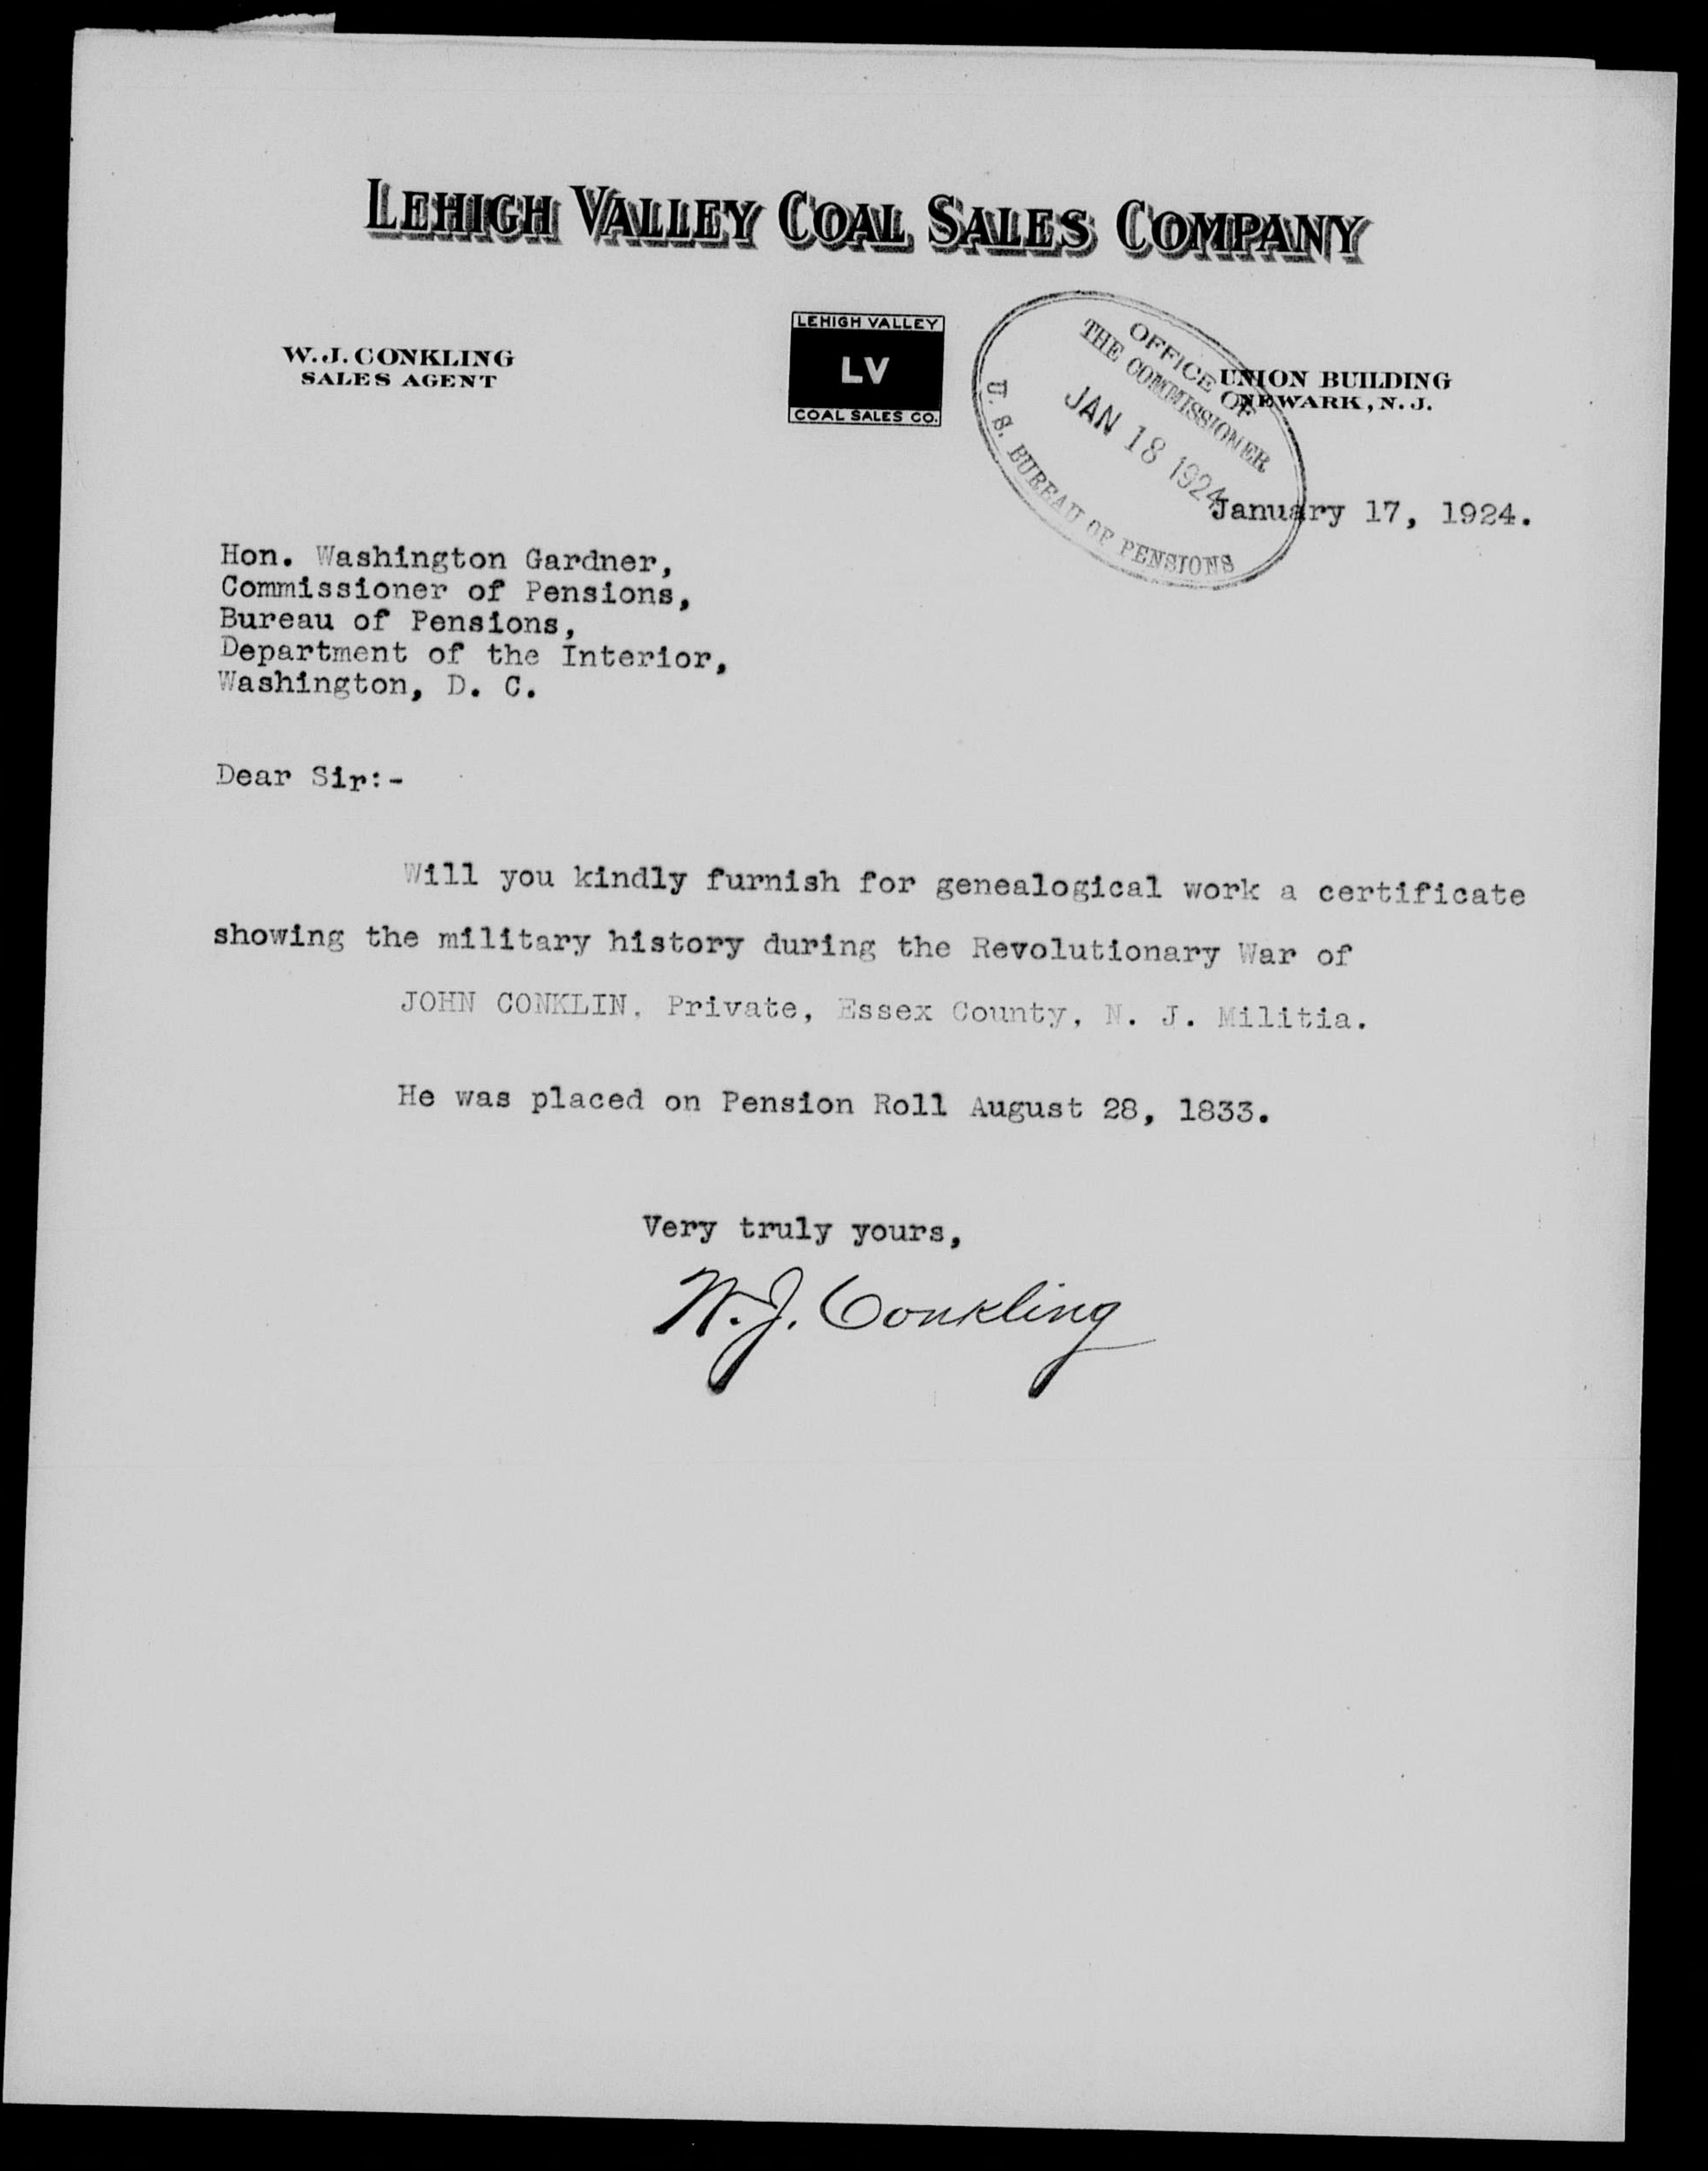LEIGH VALLEY COAL SALES COMPANY
W. J. CONKLING
SALES AGENT

UNION BUILDING
NEWARK, N. J.

January 17, 1924.

Hon. Washington Gardner,
Commissioner of Pensions,
Bureau of Pensions,
Department of the Interior,
Washington, D. C.

Dear Sir:-

Will you kindly furnish for genealogical work a certificate
showing the military history during the Revolutionary War of
JOHN CONKLIN, Private, Essex County, N.J. Militia.
He was placed on Pension Roll August 28, 1833.

Very truly yours,
W. J. Conkling

[STAMP]
OFFICE OF 
THE COMMISSIONER
JAN 18 1924
U.S. BUREAU OF PENSIONS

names: W J Conkling, Washington Gardner, John Conklin, W J Conkling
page: 18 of 28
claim: survivor's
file: S 2464, John Conklin, New Jersey